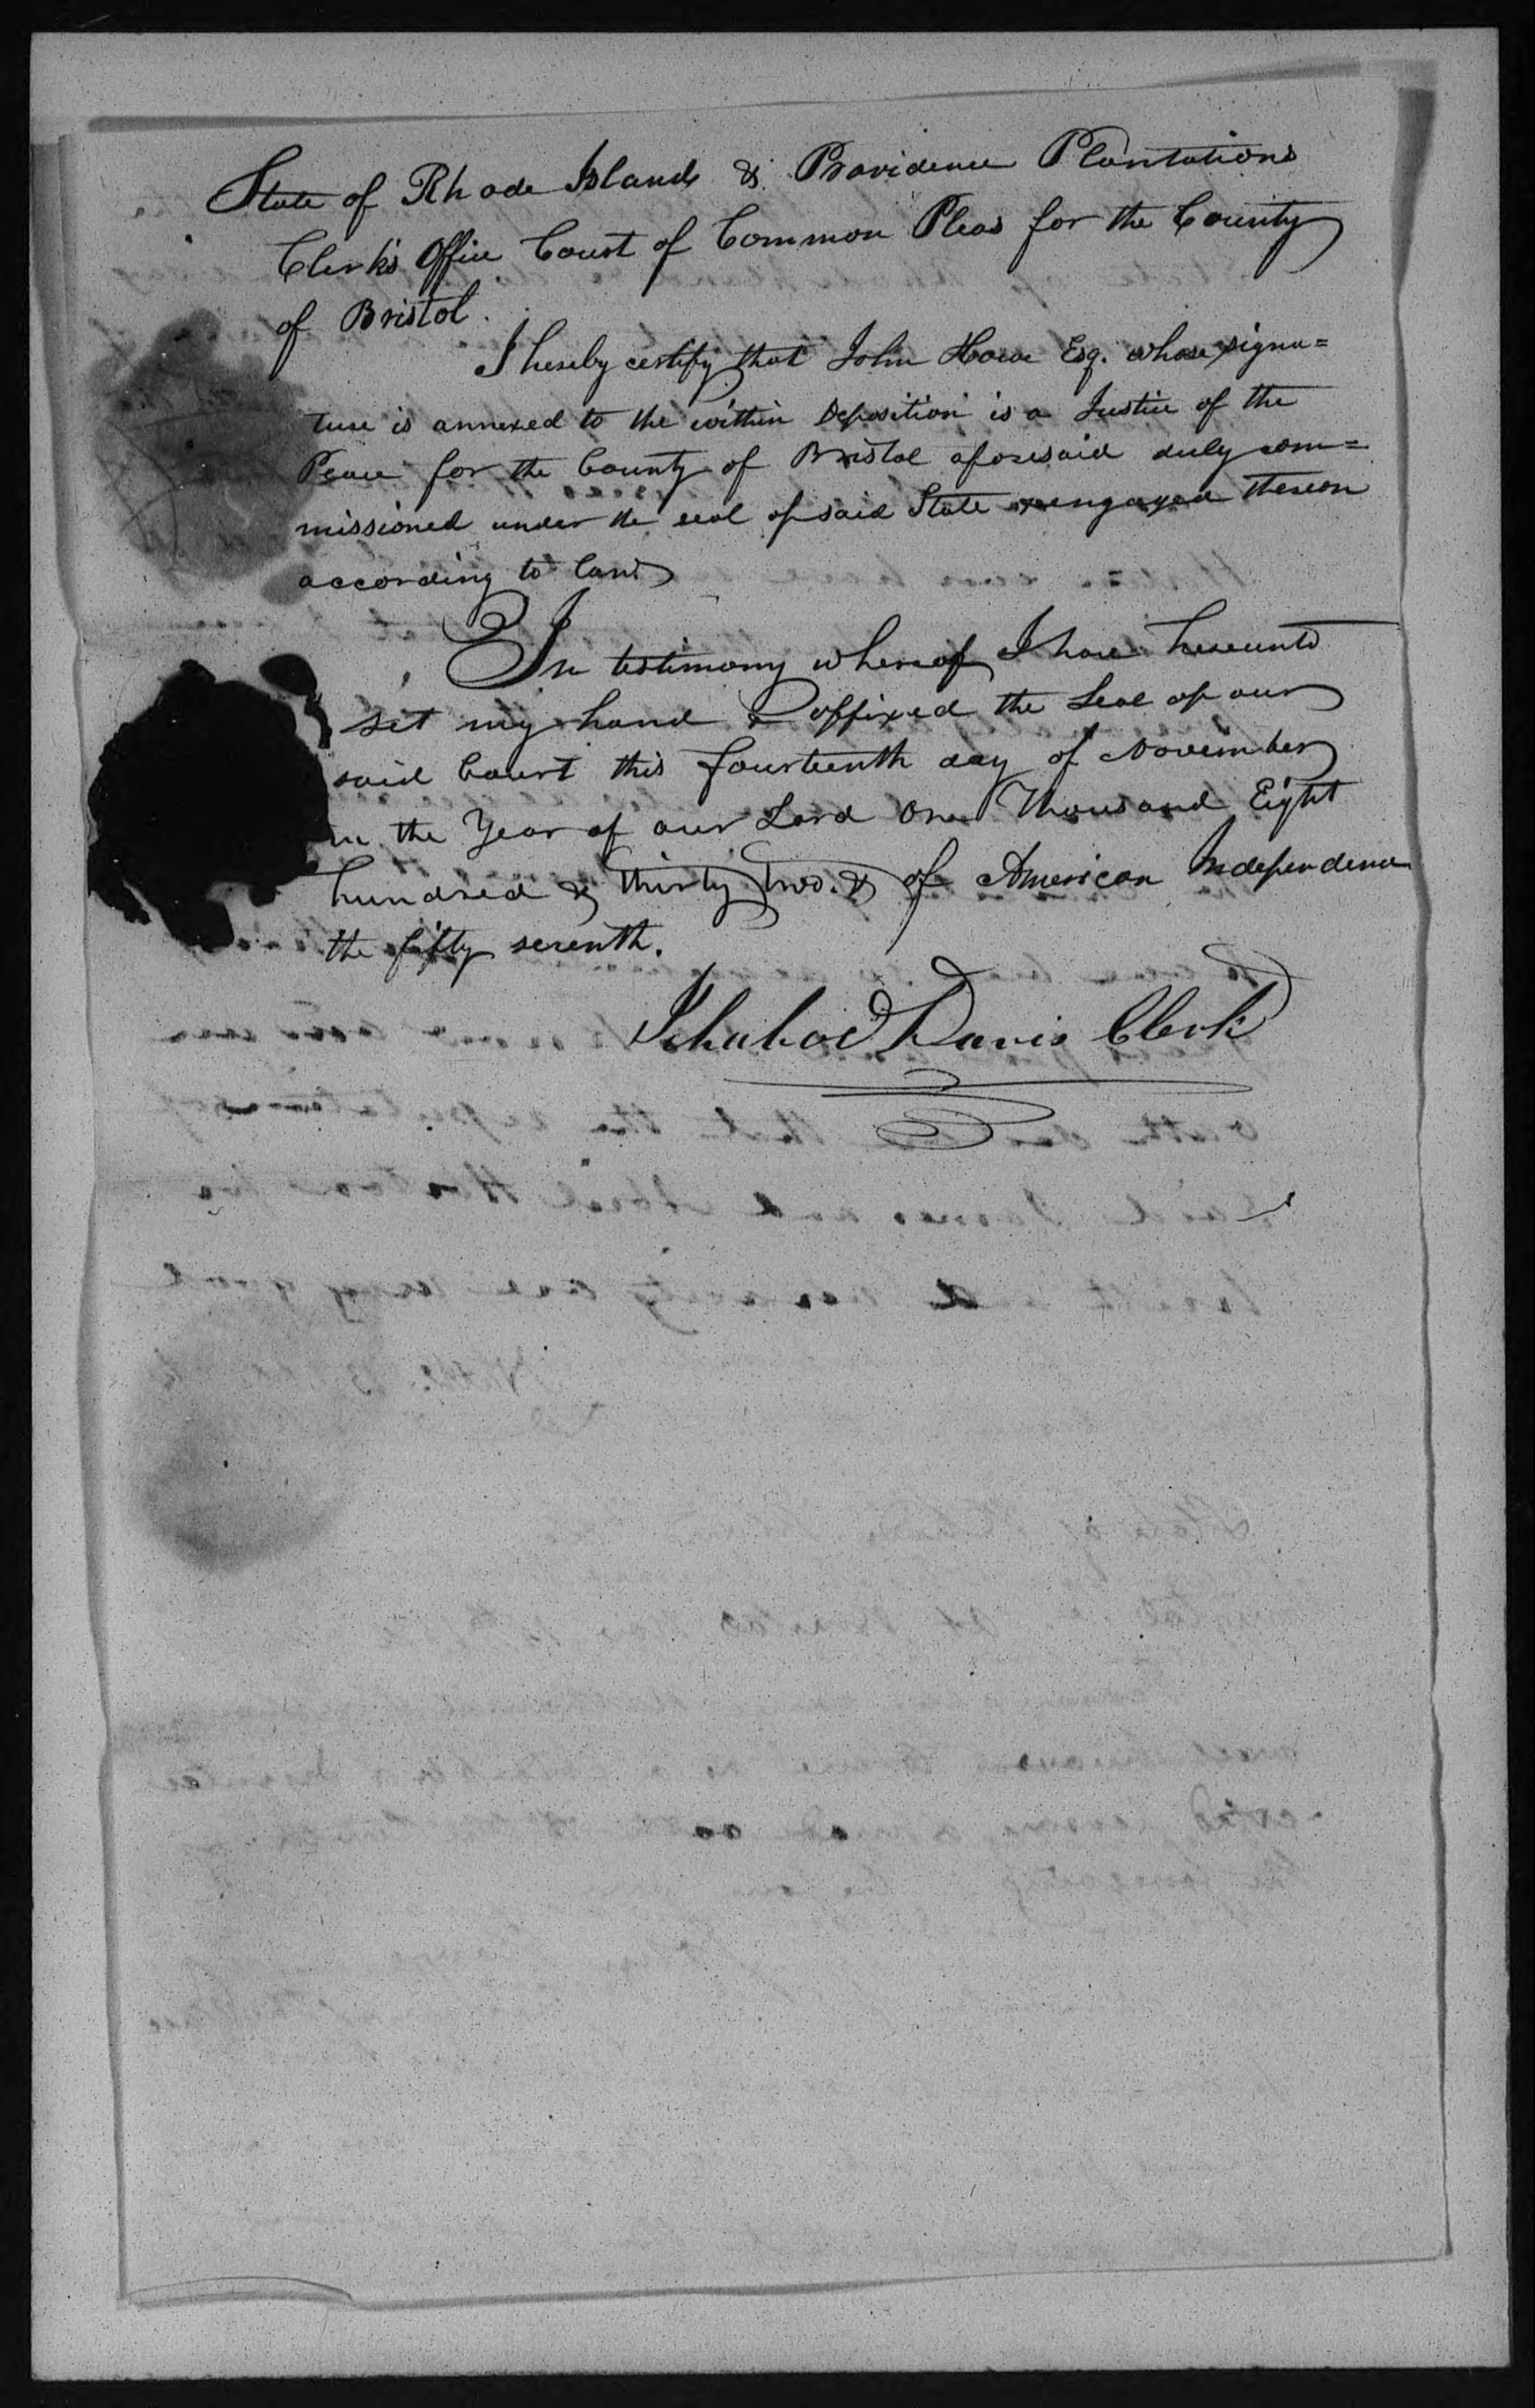State of Rhode Island & Providence Plantations
Clerk's Office Court of Common Pleas for the County of Bristol
I hereby certify that John Howe Esq whose signature I annexed to the within Deposition is a Justice of the Peace for the County of Bristol aforesaid duly commissioned under the seal of said State & engaged thereon according to law.
In testimony whereof I have hereunto set my hand & affixed the Seal of our said Court this fourteenth day of November in the Year of our Lord one thousand Eight hundred & thirty two & of American Independence the fifty seventh.
[signature] Ichabod Davis Clerk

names: Ichabod Davis, John Howe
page: 16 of 16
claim: survivor's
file: S. 21040, Jonathan Alger, Mass. R. I.